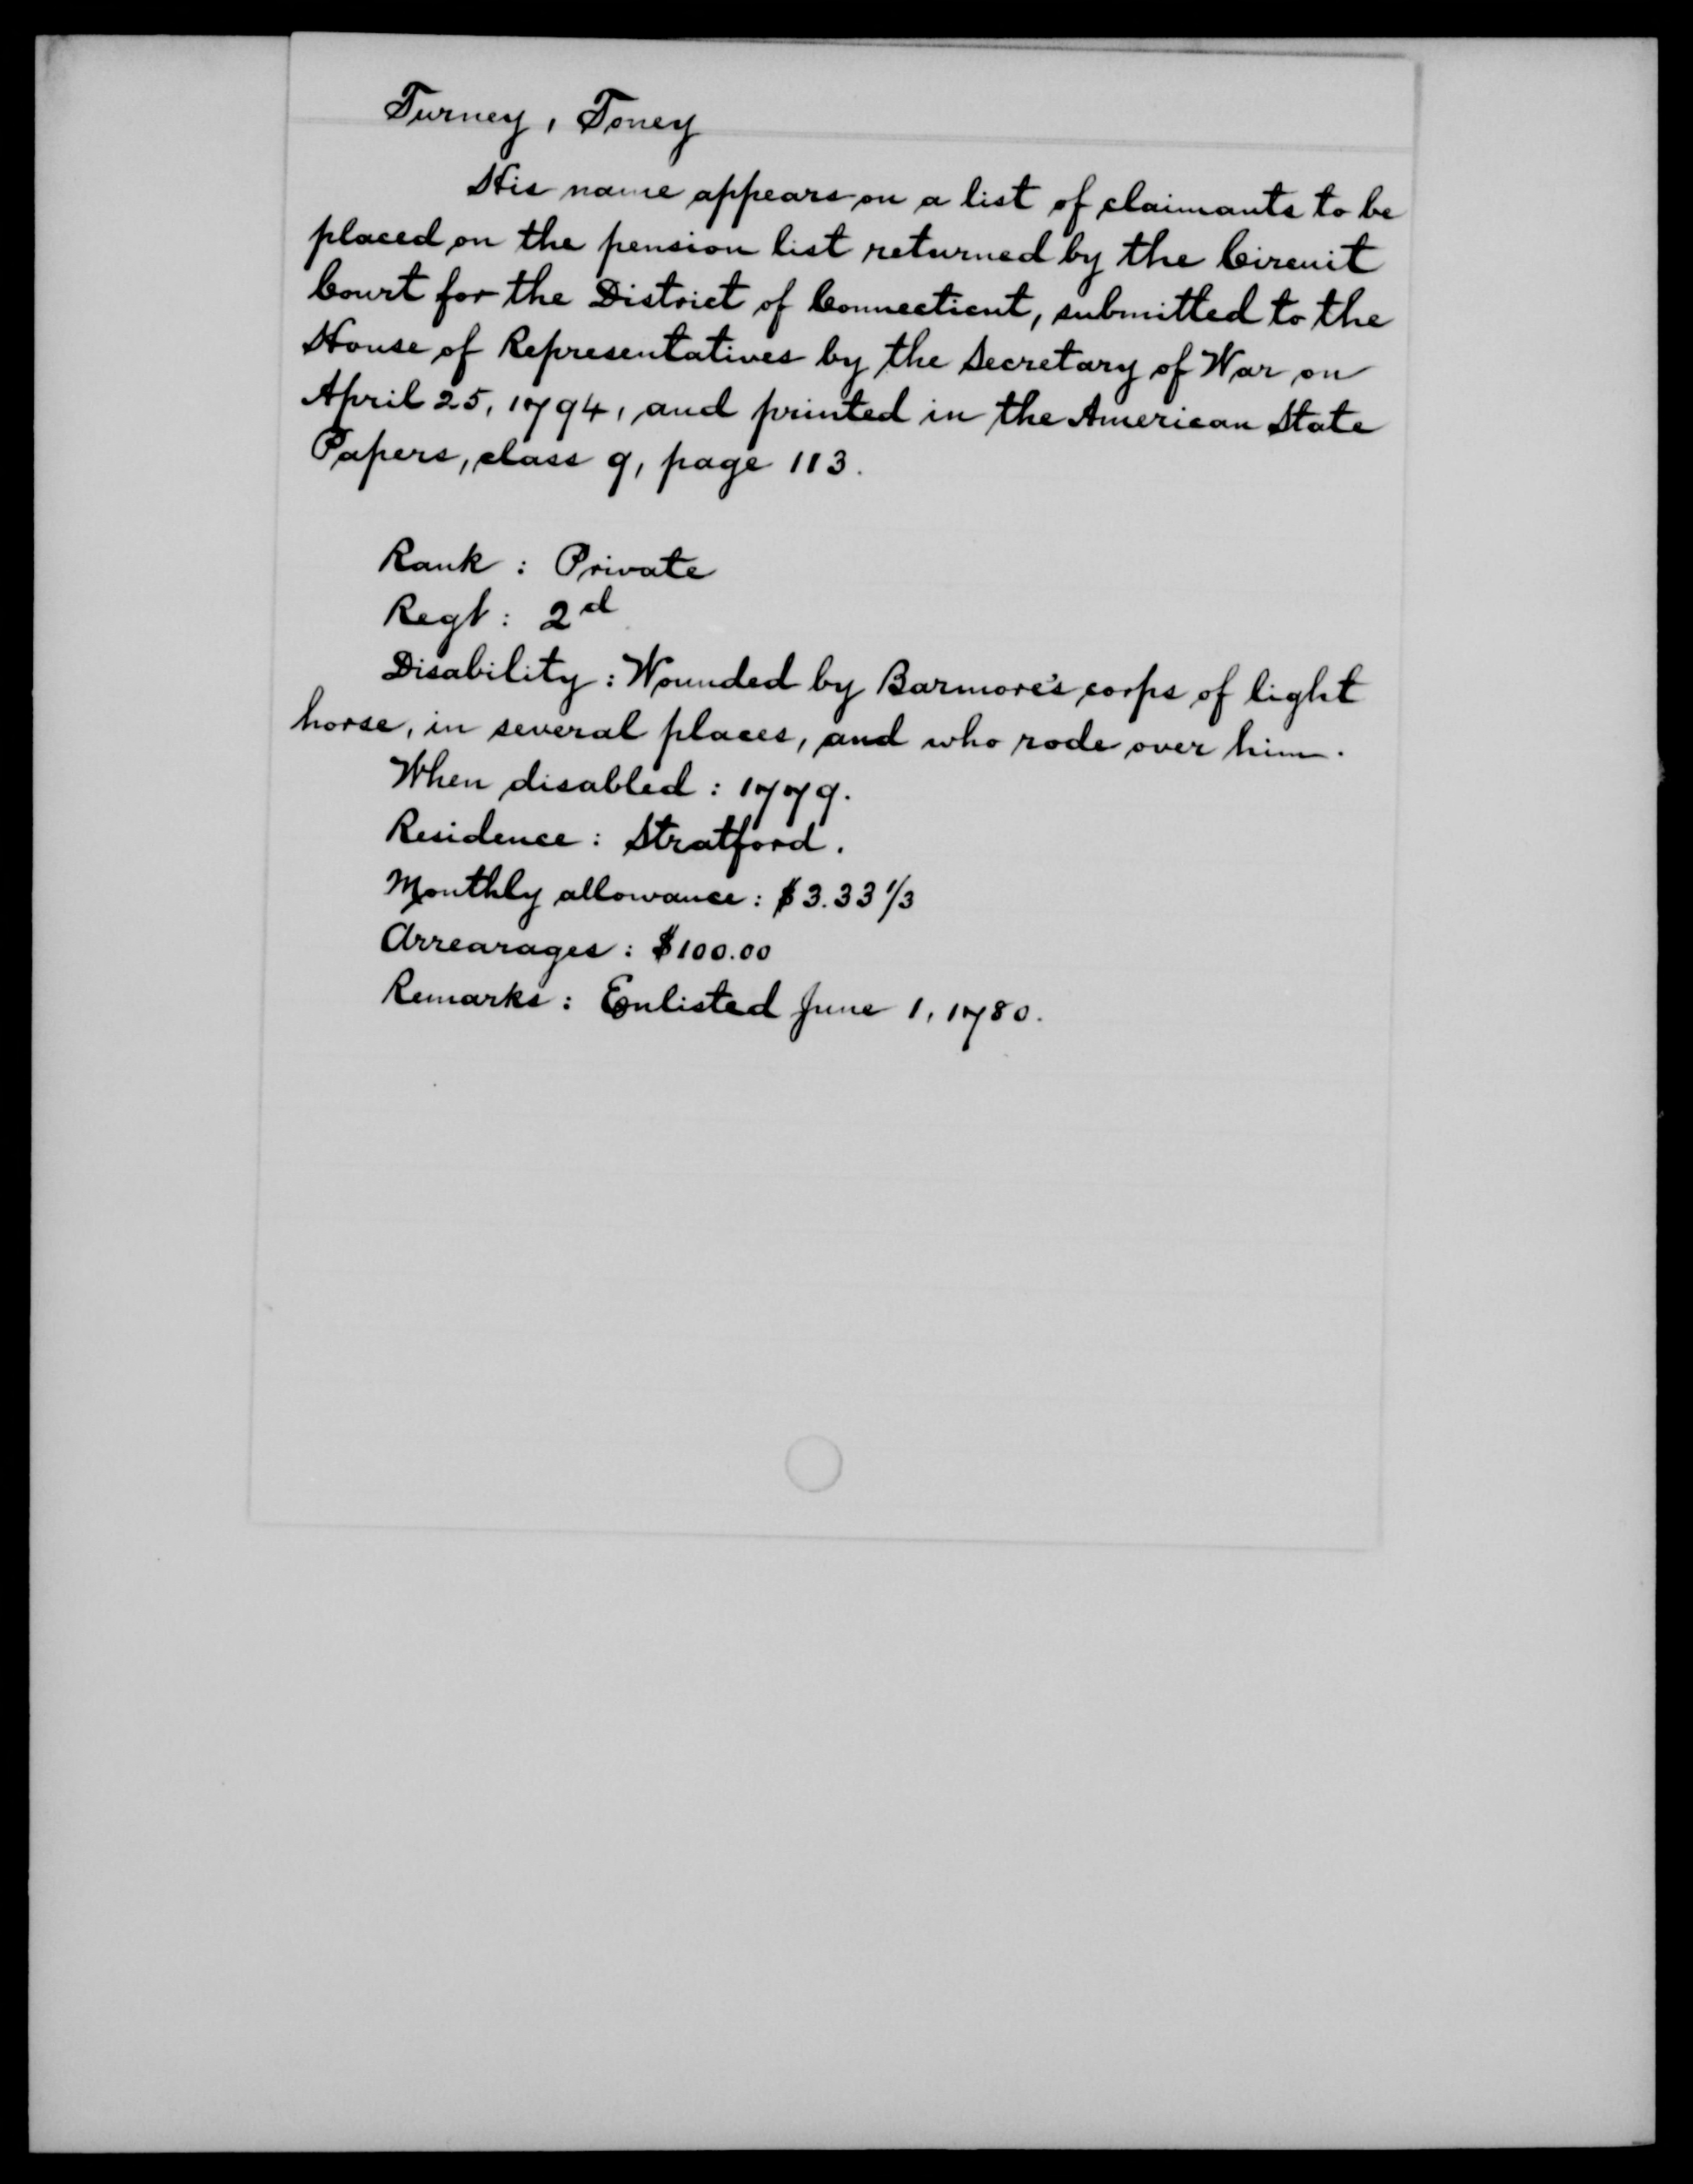Turney, Toney
His name appears on a list of claimants to be placed on the pension list returned by the Circuit Court for the District of Connecticut, submitted to the House of Representatives by the Secretary of War on April 25, 1794, and printed in the American State Papers, class 9, page 113.

Rank : Private
Regt :  2d
Disability : Wounded by Barmore's corps of light horse, in several places, and who rode over him.
When disabled : 1779.
Residence : Stratford.
Monthly allowance :  $3.33 1/3
Arrearages :  $100.00
Remarks :  Enlisted June 1, 1780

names: Toney Turney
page: 5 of 5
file: [BLANK], Toney Turney, Conn.